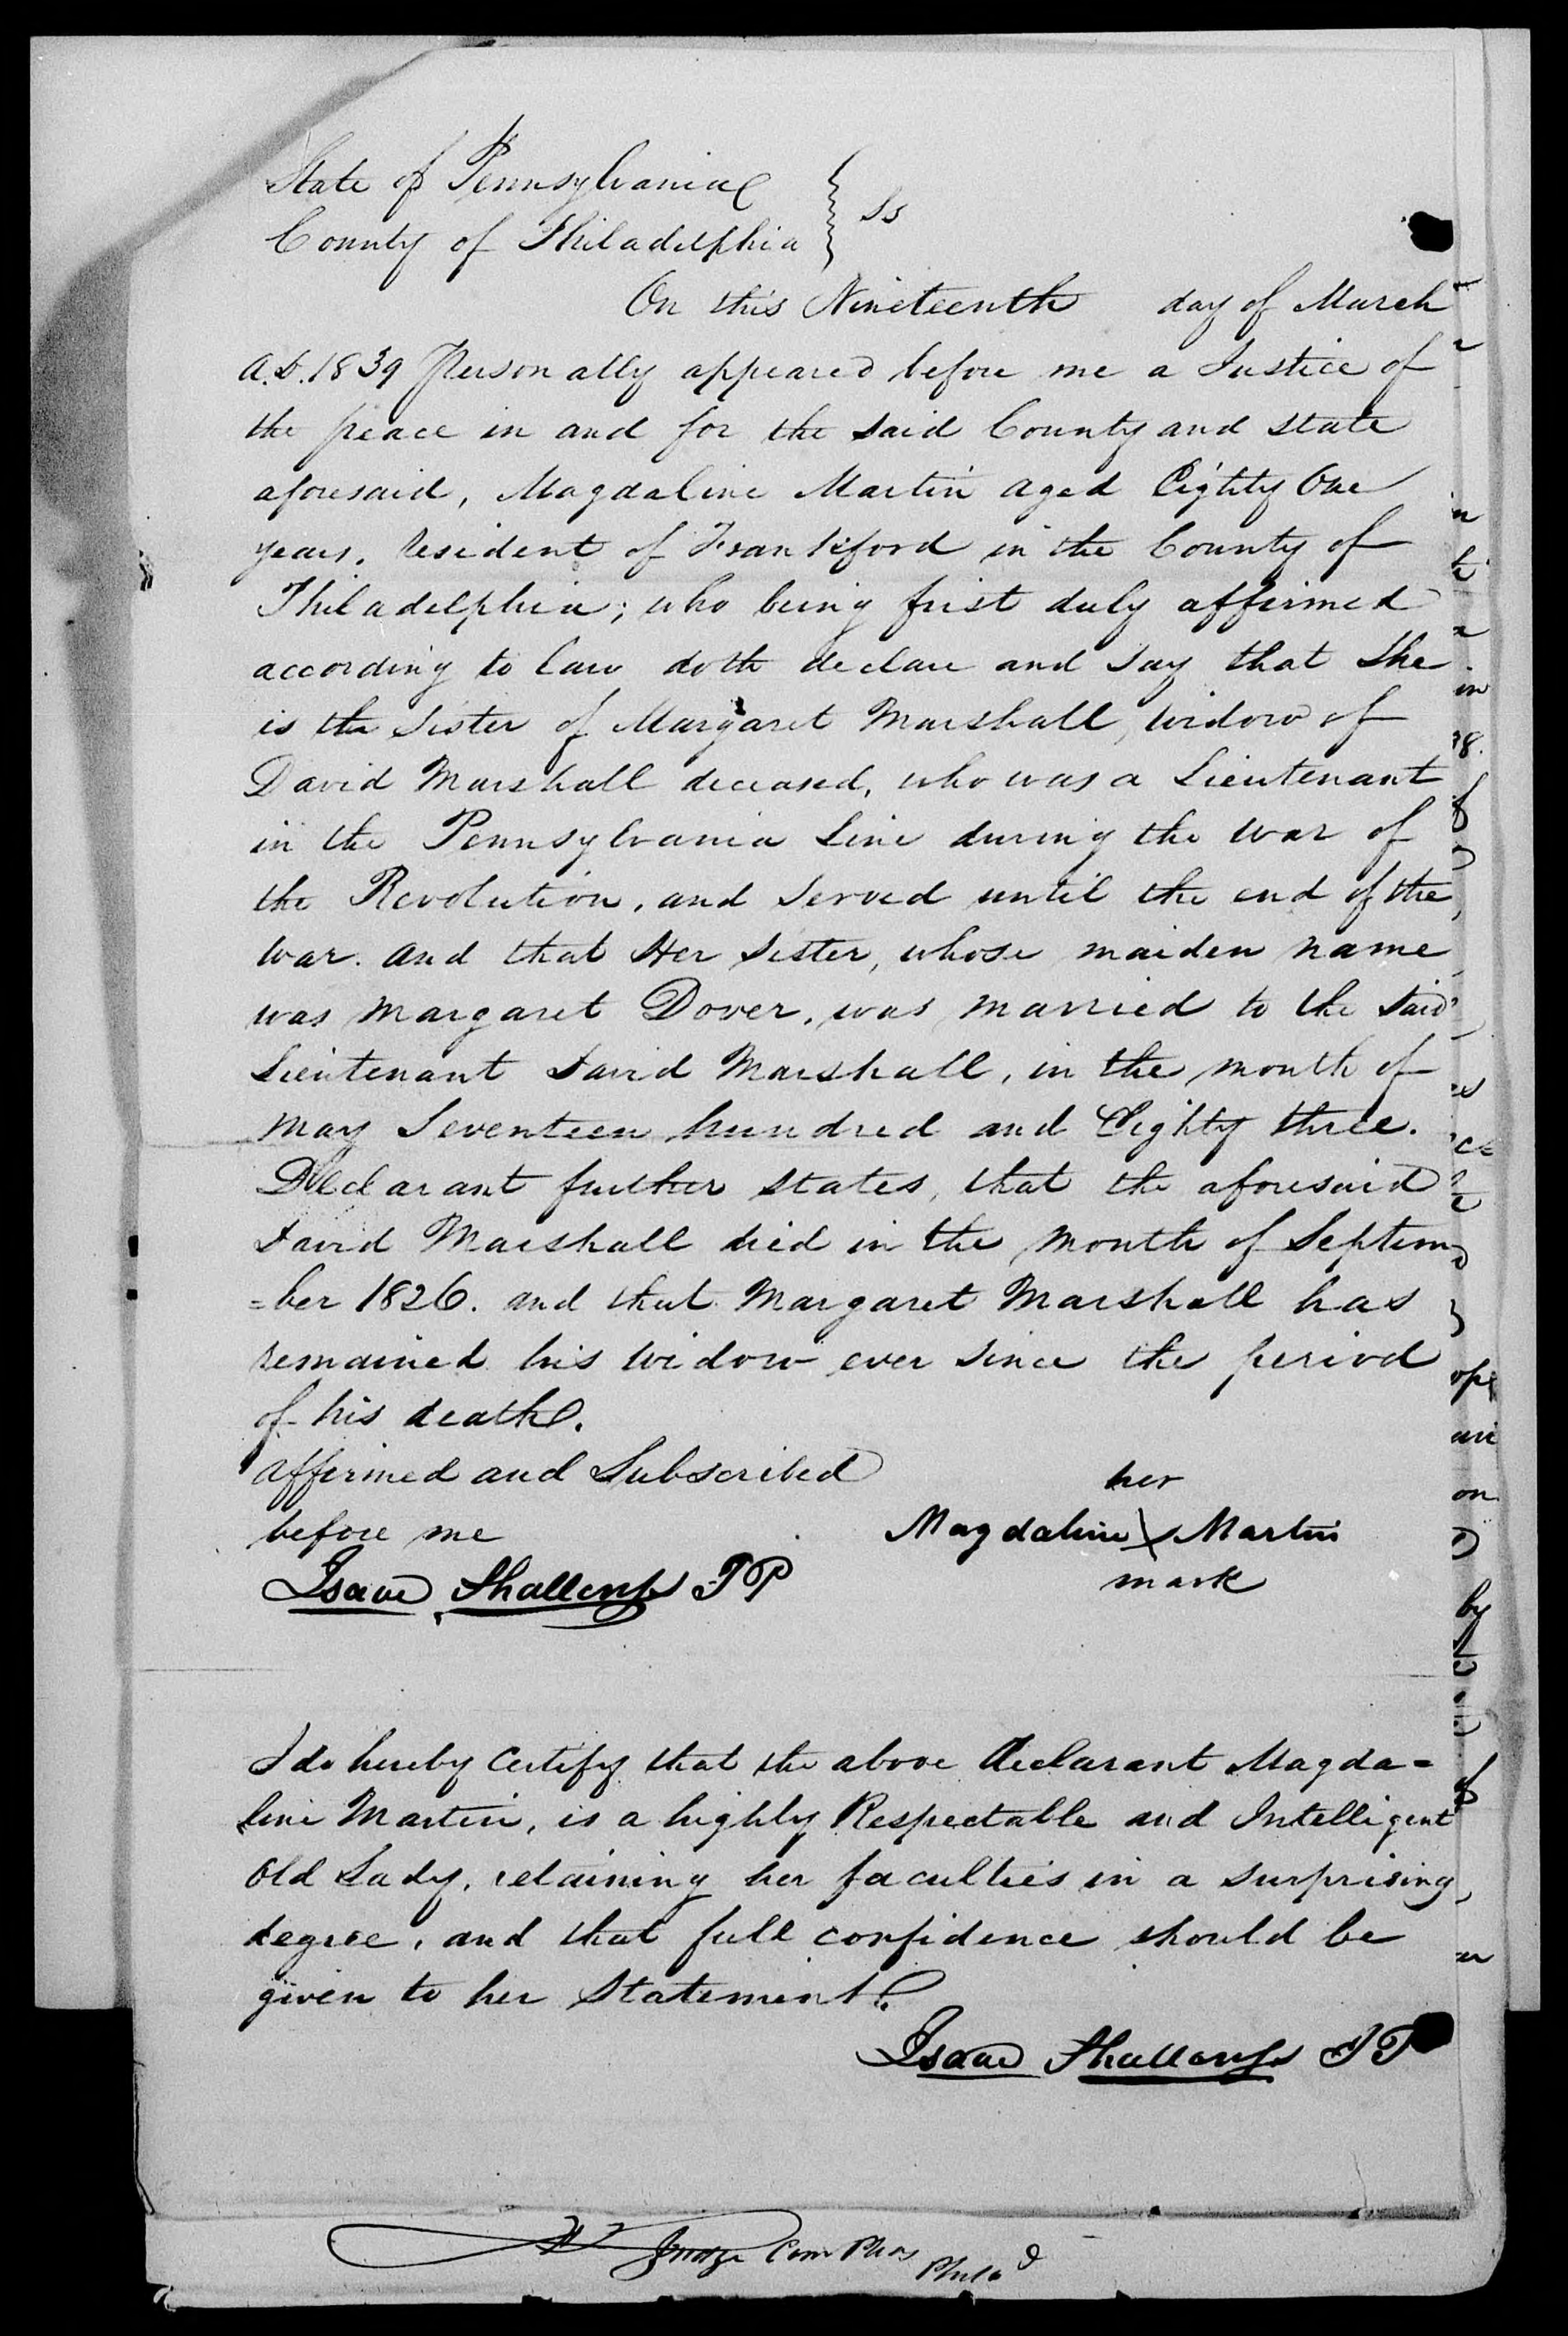State of Pennsylvania
County of Philadelphia

On this Nineteenth day of March A.D. 1839 personally appeared before me a Justice of the peace in and for the said County and state aforesaid, Magdaline Martin aged Eighty One years. Resident of Frankford in the County of Philadelphia; who being first duly affirmed according to law doth declaire and say that she is the sister of Margaret Marshall, widow of David Marshall deceased, who was a Lieutenant in the Pennylvania Line during the war of the Revolution, and served until the end of the war and that her sister, whose maiden name was Margaret Dover, was married to the said Lieutenant David Marshall, in the month of May Seventeen hundred and Eighty three. Declarant further states that the aforesaid David Marshall died in the month of September 1826 and that Margaret Marshall has remained his widow ever since the period of his death.
Magdaline her X Martin

Affirmed and Subscribed before me
Isaac Shallcross J P

I do hereby certify that the above declarent Magdaline Martin, is a highly Respectable and Intelligent old lady, retaining her faculties in a surprising degree and that full confidence should be given to her statement. 

Isaac Shallcross JP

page: 76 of 86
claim: widow's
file: W. 3571, for David Marshall, Pennsylvania